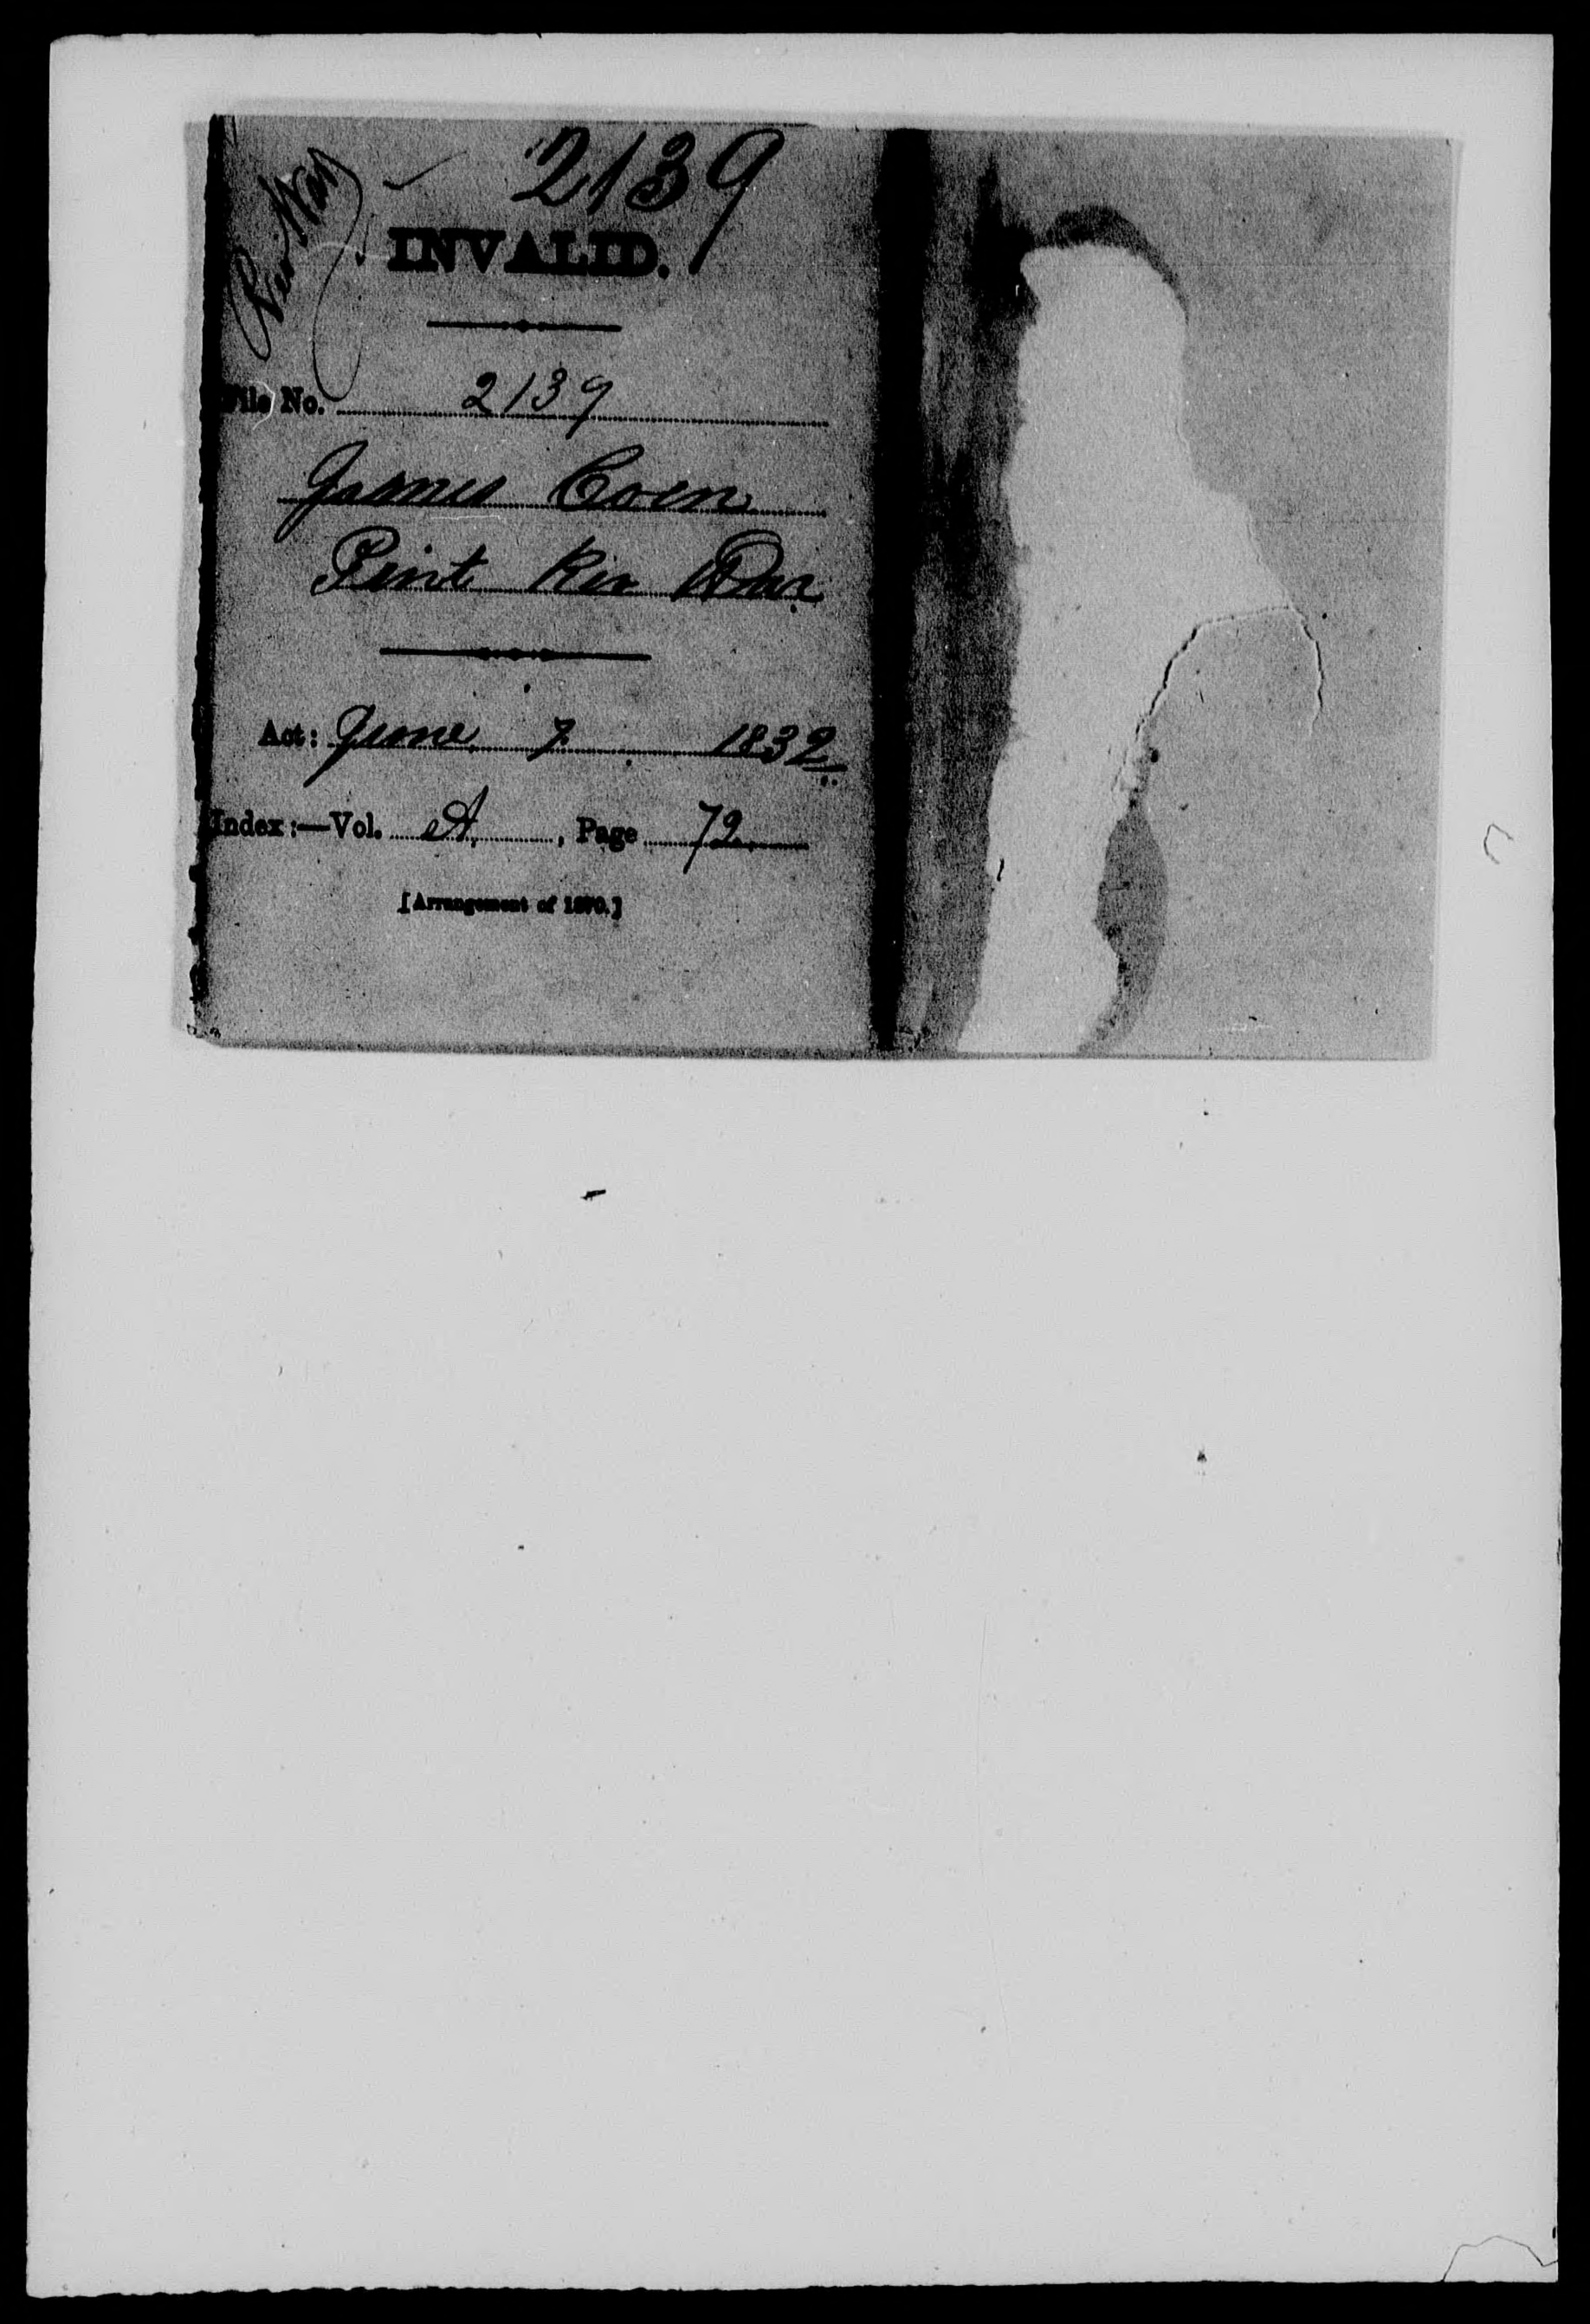2139
Rev. War    invalid
File No. 2139
James Coen
Privt Rev War

Act: June 7, 1832

Index-Vol. A, Page 79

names: James Coen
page: 2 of 9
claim: survivor's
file: S. 2139, James Coen, Penn.